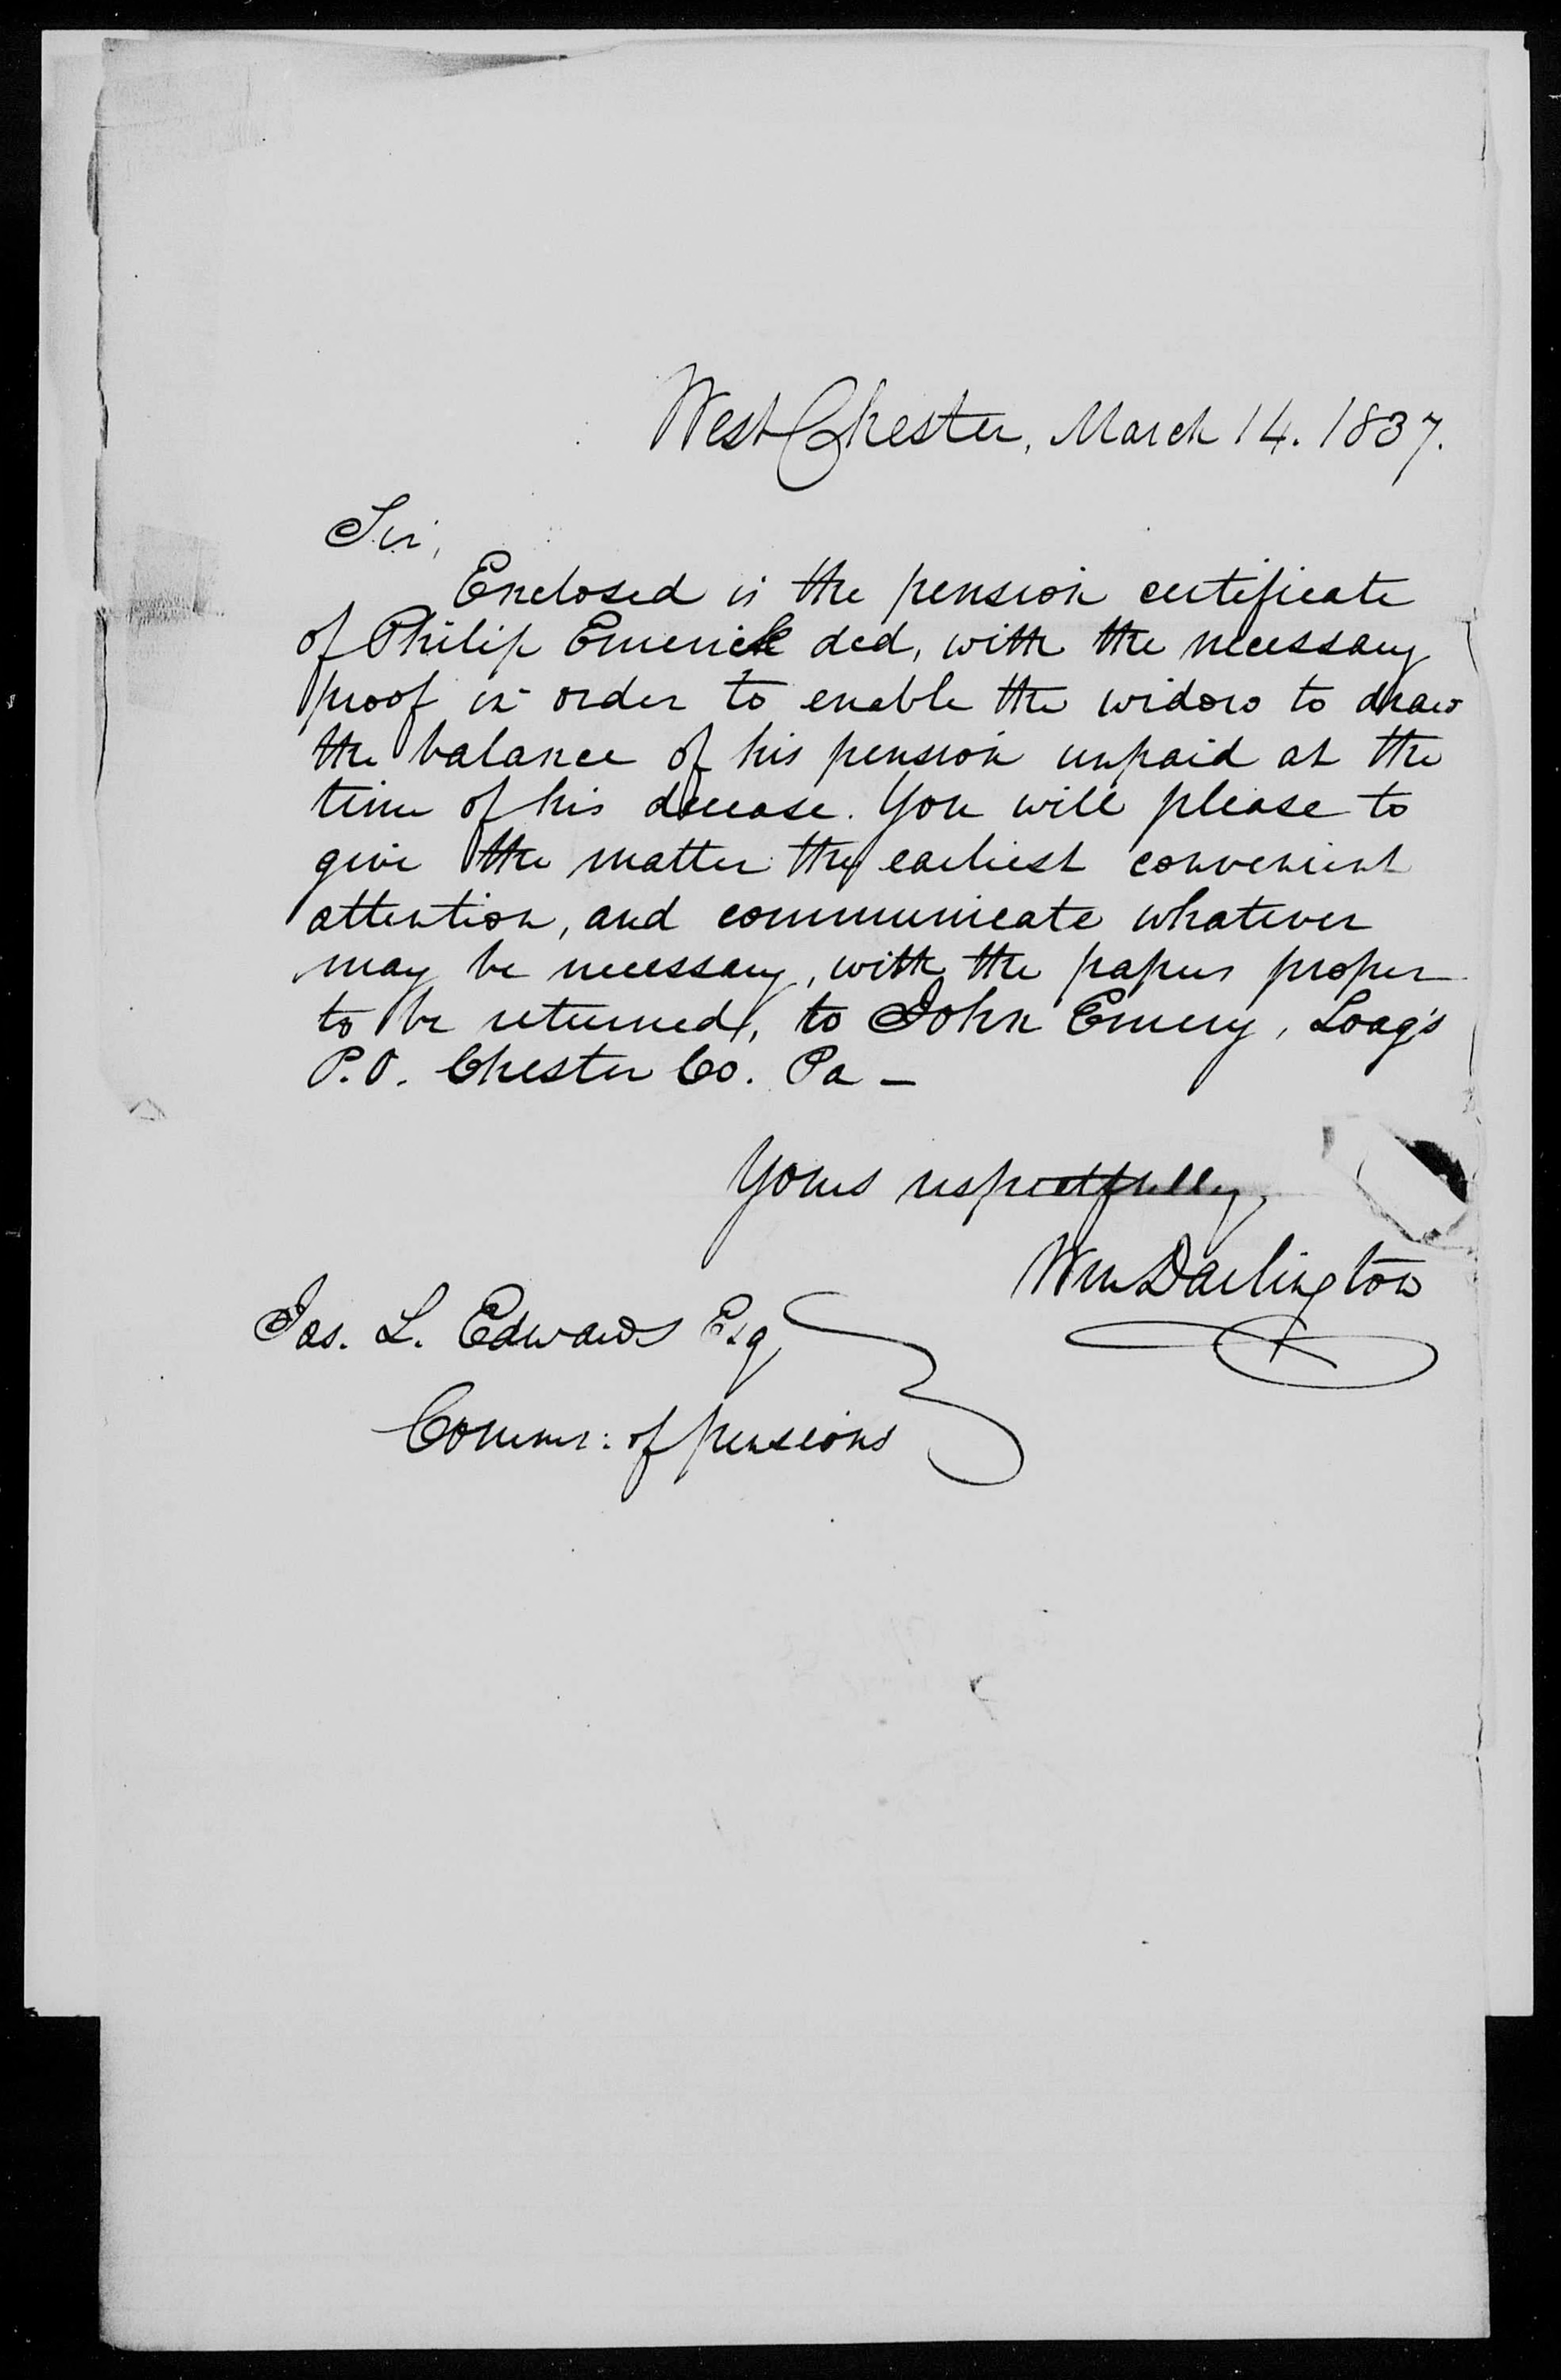West Chester, March 14. 1837
Sir
Enclosed is the pension certificate
of Philip Emerick dcd, with the necessary
proof in order to enable the widow to draw
the balance of his pension unpaid at the
time of his decease. You will please to
give the matter the earliest convenient
attention, and communicate whatever
may be necessary, with the papers proper
to be returned to John Emery, Loag's
P.O. Chester Co. Pa.
Yours respectfully
Wm Darlington

Jas. L. Edwards Esq
Comms: of Pensions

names: Wm Darlington, Jas L Edwards, Philip Emerick, John Emery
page: 27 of 29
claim: survivor's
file: S. 23618, Philip Emerick, Penn.